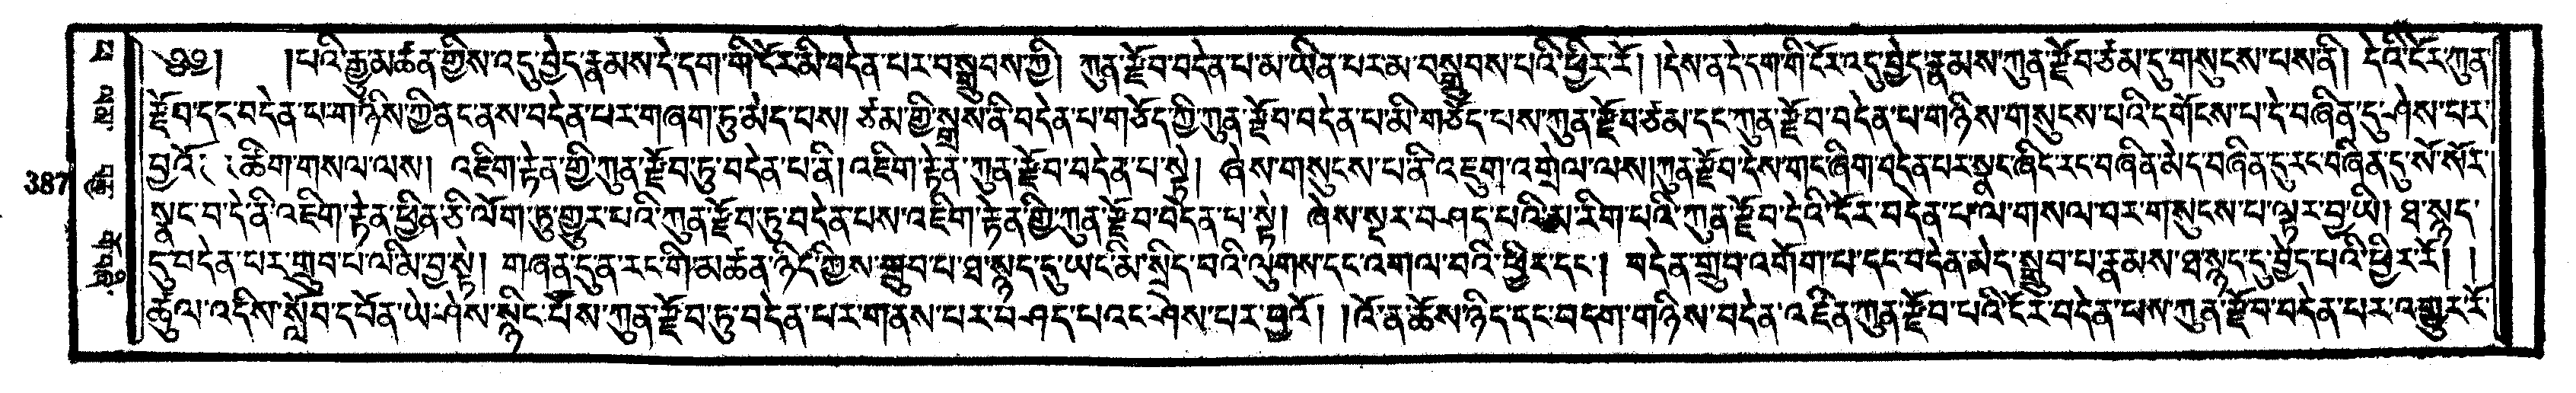༄༅། །པའི་རྒྱུ་མཚན་གྱིས་འདུ་བྱེད་རྣམས་དེ་དག་གི་ངོར་མི་བདེན་པར་བསྒྲུབས་ཀྱི། ཀུན་རྫོབ་བདེན་པ་མ་ཡིན་པར་མ་བསྒྲུབས་པའི་ཕྱིར་རོ། །དེས་ན་དེ་དག་གི་ངོར་འདུ་བྱེད་རྣམས་ཀུན་རྫོབ་ཙམ་དུ་གསུངས་པས་ནི། དེའི་ངོར་ཀུན་
རྫོབ་དང་བདེན་པ་གཉིས་ཀྱི་ནང་ནས་བདེན་པར་གཞག་ཏུ་མེད་པས། ཙམ་གྱི་སྒྲས་ནི་བདེན་པ་གཅོད་ཀྱི་ཀུན་རྫོབ་བདེན་པ་མི་གཅོད་པས་ཀུན་རྫོབ་ཙམ་དང་ཀུན་རྫོབ་བདེན་པ་གཉིས་གསུངས་པའི་དགོངས་པ་དེ་བཞིན་དུ་ཤེས་པར་
བྱའོ༑ ༑ཚིག་གསལ་ལས། འཇིག་རྟེན་གྱི་ཀུན་རྫོབ་ཏུ་བདེན་པ་ནི། འཇིག་རྟེན་ཀུན་རྫོབ་བདེན་པ་སྟེ། ཞེས་གསུངས་པ་ནི་འཇུག་འགྲེལ་ལས། ཀུན་རྫོབ་དེས་གང་ཞིག་བདེན་པར་སྣང་ཞིང་རང་བཞིན་མེད་བཞིན་དུ་རང་བཞིན་དུ་སོ་སོར་
སྣང་བ་དེ་ནི་འཇིག་རྟེན་ཕྱིར་ཅི་ལོག་ཏུ་གྱུར་པའི་ཀུན་རྫོབ་ཏུ་བདེན་པས་འཇིག་རྟེན་གྱི་ཀུན་རྫོབ་བདེན་པ་སྟེ། ཞེས་སྔར་བཤད་པའི་ཀུན་རྫོབ་དེའི་དོར་བདེན་པ་ལ་གསལ་བར་གསུངས་པ་ལྟར་བྱ་ཡི། ཐ་སྙད་
དུ་བདེན་པར་གྲུབ་པ་ལ་མི་བྱ་སྟེ། གཞན་དུ་ན་རང་གི་མཚན་ཉིད་ཀྱིས་གྲུབ་པ་ཐ་སྙད་དུ་ཡང་མི་སྲིད་པའི་ལུགས་དང་འགལ་བའི་ཕྱིར་དང་། བདེན་གྲུབ་འགོག་པ་དང་བདེན་མེད་སྒྲུབ་པ་རྣམས་ཐ་སྙད་དུ་བྱེད་པའི་ཕྱིར་རོ། །
ཚུལ་འདིས་སློབ་དཔོན་ཡེ་ཤེས་སྙིང་པོས་ཀུན་རྫོབ་ཏུ་བདེན་པར་གནས་པར་བཤད་པའང་ཤེས་པར་བྱའོ། །འོ་ན་ཆོས་ཉིད་དང་བདག་གཉིས་བདེན་འཛིན་ཀུན་རྫོབ་པའི་ངོར་བདེན་པས་ཀུན་རྫོབ་བདེན་པར་འགྱུར་རོ་